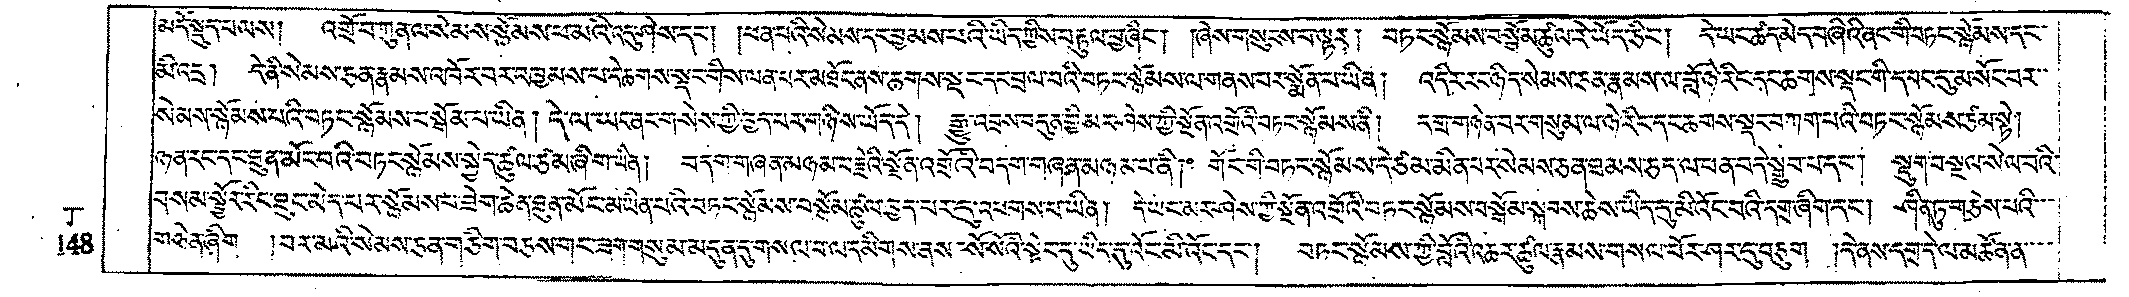མདོ་སྡུད་པ་ལས། འགྲོ་བ་ཀུན་ལ་སེམས་སྙོམས་ཕ་མའི་འདུ་ཤེས་དང་། །ཕན་པའི་སེམས་དང་བྱམས་པའི་ཡིད་ཀྱིས་བརྟུལ་བྱ་ཞིང་། །ཞེས་གསུངས་པ་ལྟར། བཏང་སྙོམས་བསྒོམ་ཚུལ་རེ་ཡོད་ཅིང་། དེ་ཡང་ཚད་མེད་བཞིའི་ནང་གི་བཏང་སྙོམས་དང་་་
མི་འདྲ། དེ་ནི་སེམས་ཅན་རྣམས་འཁོར་བར་འཁྱམས་པ་དེ་ཆགས་སྡང་གིས་ལན་པར་མཐོང་ནས་ཆགས་སྡང་དང་བྲལ་བའི་བཏང་སྙོམས་ལ་གནས་པར་སྨོན་པ་ཡིན། འདིར་རང་ཉིད་སེམས་ཅན་རྣམས་ལ་བློ་ཉེ་རིང་དང་ཆགས་སྡང་གི་དབང་དུ་མ་སོང་བར་་་
སེམས་སྙོམས་པའི་བཏང་སྙོམས་བསྒོམ་པ་ཡིན། དེ་ལ་ཡང་ནང་གསེས་ཀྱི་ཁྱད་པར་གཉིས་ཡོད་དེ། རྒྱུ་འབྲས་བདུན་གྱི་མར་ཤེས་ཀྱི་སྔོན་འགྲོའི་བཏང་སྙོམས་པ་ནི། དགྲ་གཉེན་བར་གསུམ་ལ་ཉེ་རིང་དང་ཆགས་སྡང་བཀག་པའི་བཏང་སྙོམས་ཙམ་སྟེ།
ཉན་རང་དང་ཐུན་མོང་བའི་བཏང་སྙོམས་སྐྱེད་ཚུལ་ཙམ་ཞིག་ཡིན། བདག་གཞན་མཉམ་བརྗེའི་སྔོན་འགྲོའི་བདག་གཞན་མཉམ་པ་ནི། གོང་གི་བཏང་སྙོམས་དེ་ཙམ་མིན་པར་སེམས་ཅན་ཐམས་ཅད་ལ་ཕན་བདེ་སྒྲུབ་པ་དང་། སྡུག་བསྔལ་སེལ་བའི་
བསམ་སྦྱོར་རིང་ཐུང་མེད་པར་སྙོམས་པ་ཐེག་ཆེན་ཐུན་མོང་མ་ཡིན་པའི་བཏང་སྙོམས་བསྒོམ་ཚུལ་ཁྱད་པར་དུ་འཕགས་པ་ཡིན། དེ་ཡང་མར་ཤེས་ཀྱི་སྔོན་འགྲོའི་བཏང་སྙོམས་བསྒོམ་སྐབས་ཆེས་ཡིད་དུ་མི་འོང་བའི་དགྲ་ཞིག་དང་། ཤིན་ཏུ་གཅེས་པའི་་་
གཉེན་ཞིག །བར་མའི་སེམས་ཅན་གཅིག་བཅས་གང་ཟག་གསུམ་མདུན་དུ་གསལ་བ་ལ་དམིགས་ནས་སོ་སོའི་སྟེང་དུ་ཡིད་དུ་འོང་མི་འོང་དང་། བཏང་སྙོམས་ཀྱི་བློའི་འཆར་ཚུལ་རྣམས་གསལ་པོར་ཤར་དུ་བཅུག །དེ་ནས་དགྲ་དེ་ལ་མཚོན་ན་་་